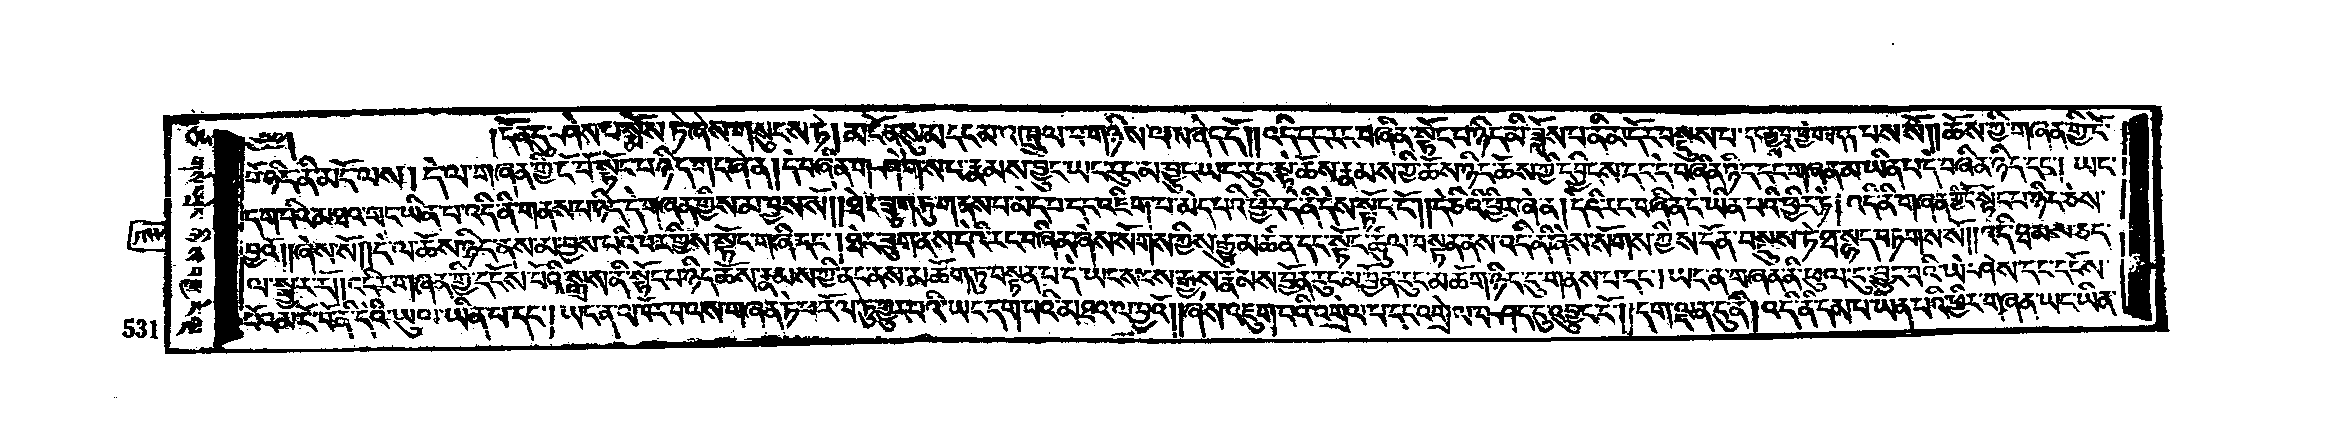༄༅། །དོན་དུ་ཤེས་པ་སྨོས་ཏེ་ཞེས་གསུངས་ཏེ། མངོན་སུམ་དང་མ་འཁྲུལ་བ་གཉིས་ལ་བཞེད་དོ། །འདི་དང་རང་བཞིན་སྟོང་པ་ཉིད་མི་ཟློས་པ་ནི་མདོར་བསྡུས་པ་དང་རྒྱས་བར་ཕྱེ་བ་ཐ་དད་པས་སོ། །ཆོས་ཀྱི་གཞན་གྱི་ངོ་
བོ་ཉིད་ནི་མདོ་ལས། དེ་ལ་གཞན་གྱི་ངོ་བོ་སྟོང་པ་ཉིད་གང་ཞེ་ན། དེ་བཞིན་གཤེགས་པ་རྣམས་བྱུང་ཡང་རུང་མ་བྱུང་ཡང་རུང་སྟེ་ཆོས་རྣམས་ཀྱི་ཆོས་ཉིད་ཆོས་ཀྱི་དབྱིངས་དང་དེ་བཞིན་ཉིད་དང་གཞན་མ་ཡིན་པ་དེ་བཞིན་ཉིད་དང་། ཡང་
དག་པའི་མཐའ་གང་ཡིན་པ་འདི་ནི་གནས་པ་ཉིད་དེ་གཞན་གྱིས་མ་བྱས་སོ། །ཐེར་ཟུག་ཏུ་གནས་པ་མེད་པ་དང་འཇིག་པ་མེད་པའི་ཕྱིར་དེ་ནི་དེས་སྟོང་ངོ། །དེ་ཅིའི་ཕྱིར་ཞེ་ན། དེའི་རང་བཞིན་དེ་ཡིན་པའི་ཕྱིར་ཏེ། འདི་ནི་གཞན་གྱི་ངོ་བོ་སྟོང་པ་ཉིད་ཅེས་
བྱའོ། །ཞེས་སོ། །དེ་ལ་ཆོས་ཉིད་ནས་མ་བྱས་པའི་བར་གྱིས་སྟོང་གཞི་དང་། ཐེར་ཟུག་ནས་དེའི་རང་བཞིན་ཞེས་སོགས་ཀྱིས་རྒྱུ་མཚན་དང་སྟོང་ཚུལ་བསྟན་ནས་འདི་ནི་ཞེས་སོགས་ཀྱིས་དོན་བསྡུས་ཏེ་ཐ་སྙད་བཏགས་སོ། །འདི་ཐམས་ཅད་
ལ་སྦྱར་རོ། །འདིར་གཞན་གྱི་དངོས་པོའི་སྒྲས་ནི་སྟོང་པ་ཉིད་ཆོས་རྣམས་ཀྱི་ནང་ནས་མཆོག་ཏུ་བསྟན་པ་དེ་ཡང་སངས་རྒྱས་རྣམས་བྱོན་རུང་མ་བྱོན་རུང་མཆོག་ཉིད་དུ་གནས་པ་དང་། ཡང་ན་གཞན་ནི་ཕུལ་དུ་བྱུང་བའི་ཡེ་ཤེས་དང་དངོས་
པོའམ་ངོ་བོ་ནི་དེའི་ཡུལ་ཡིན་པ་དང་། ཡང་ན་འཁོར་བ་ལས་གཞན་ཏེ་ཕ་རོལ་ཏུ་གྱུར་པའི་ཡང་དག་པའི་མཐའ་ལ་བྱའོ། །ཞེས་འཇུག་པའི་འགྲེལ་པ་དང་འགྲེལ་བཤད་དུ་འབྱུང་ངོ། །དག་ལྡན་དུ་ནི། འདི་ནི་དམ་པ་ཡིན་པའི་ཕྱིར་གཞན་ཡང་ཡིན་